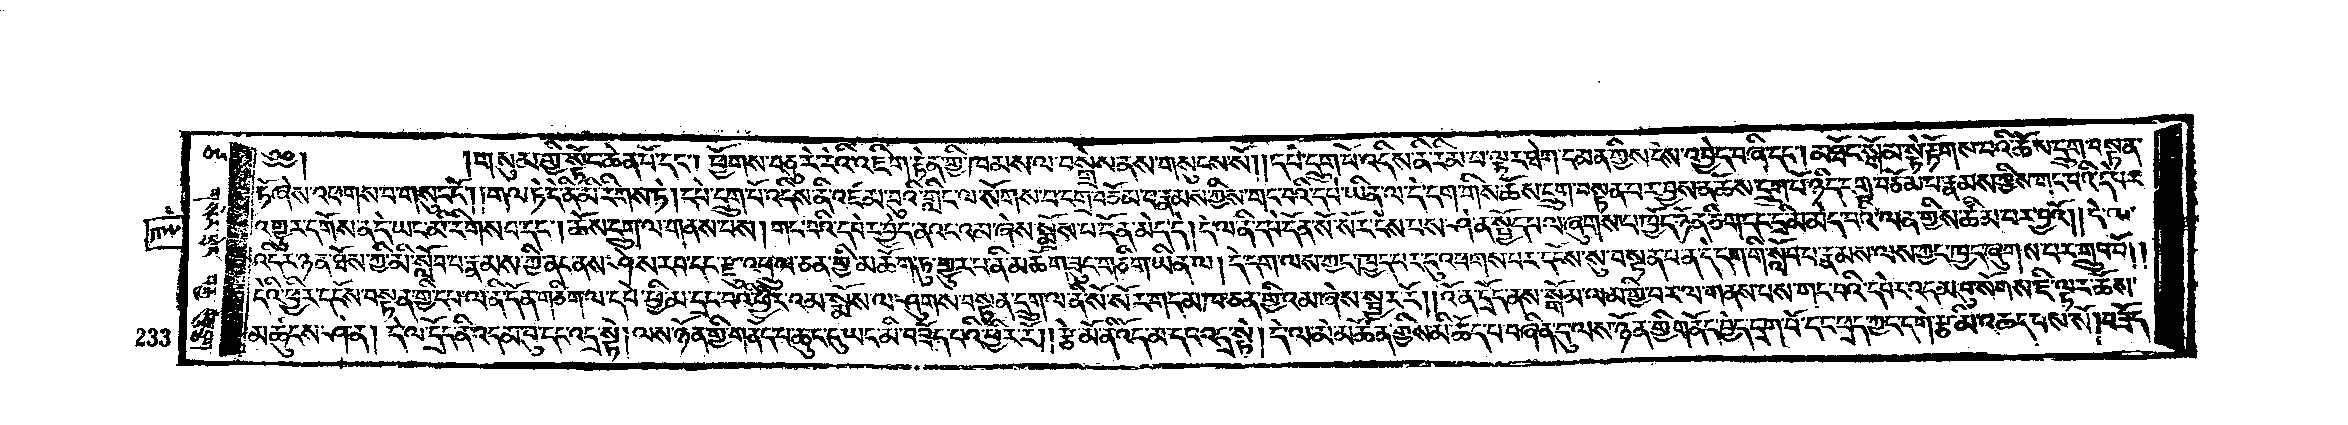༄༅། །གསུམ་གྱི་སྟོང་ཆེན་པོ་དང་། ཕྱོགས་བཅུ་རེ་རེའི་འཇིག་རྟེན་གྱི་ཁམས་ལ་བསྒྲེས་ནས་གསུངས་སོ། །དཔེ་དྲུག་པོ་འདིས་ནི་རིམ་པ་ལྟར་ཐེག་དམན་གྱིས་ངེས་འབྱེད་བཞི་དང་། མཐོང་སྒོམ་སྟེ་རྟོགས་པའི་ཆོས་དྲུག་བསྟན་
ཏོ་ཞེས་འཕགས་པ་གསུང་ངོ། །གལ་ཏེ་དེ་ནི་མི་རིགས་ཏེ། དཔེ་དྲུག་པོ་འདིས་ནི་འཛམ་བུའི་གླིང་ལ་སོགས་པ་དགྲ་བཅོམ་པ་རྣམས་ཀྱིས་གང་བའི་དཔེ་ཡིན་ལ་དེ་དག་གིས་ཆོས་དྲུག་བསྟན་པར་བྱས་ན་ཆོས་དྲུག་པོ་ཉིད་དགྲ་བཅོམ་པ་རྣམས་ཀྱིས་གང་པའི་དཔེར་
འགྱུར་དགོས་ན་དེ་ཡང་མི་རིགས་པ་དང་། ཆོས་དྲུག་ལ་གནས་པས། གང་བའི་དཔེར་བྱེད་ནའང་འམ་ཞེས་སྨྲོས་པ་དོན་མེད་དེ། དེ་ལ་ནི་དཔེ་དོན་སོ་སོར་ངེས་པས་ཤེ་ན་སྤྱོད་པ་ལ་ཞུགས་པ་ཁྱོད་ཉོན་ཅིག་དང་དྲི་མ་མེད་པའི་ལན་གྱིས་ཚིམ་པར་བྱའོ། །དེ་ལ་
འདིར་ཉན་ཐོས་ཀྱི་མི་སློབ་པ་རྣམས་ཀྱི་ནང་ནས་ཤེས་རབ་དང་རྫུ་འཕྲུལ་ཅན་གྱི་མཆོག་ཏུ་གྱུར་པ་ནི་མཆོག་ཟུང་གཅིག་ཡིན་ལ། དེ་དག་ལས་ཀྱང་ཁྱད་པར་དུ་འཕགས་པར་དངོས་སུ་བསྟན་པ་ན་དེ་དག་གི་སློབ་པ་རྣམས་ལས་ཀྱང་ཁྱད་ཞུགས་པར་གྲུབ་བོ། །
དེའི་ཕྱིར་དངོས་བསྟན་གྱི་དཔེ་ལ་ནི་དོན་གཅིག་ལ་དཔེ་ཕྱི་མ་དྲང་བའི་ཕྱིར་འམ་སྨོས་ལ་ཤུགས་བསྟན་དྲུག་ལ་ནི་སོ་སོར་གདམ་ཁ་ཅན་གྱི་འམ་ཞེས་སྦྱར་རོ། །འོ་ན་དྲོད་ནས་སྒོམ་ལམ་གྱི་བར་ལ་གནས་པས་གང་བའི་དཔེར་འདམ་བུ་སོགས་ཇི་ལྟར་ཆོས་
མཚུངས་ཤེ་ན། དེ་ལ་དྲོད་ནི་འདམ་བུ་དང་འདྲ་སྟེ། ལས་ཉོན་གྱི་གནོད་པ་ཆུང་དུ་ཡང་མི་བཟོད་པའི་ཕྱིར་རོ། །རྩེ་མོ་ནི་འོད་མ་དང་འདྲ་སྟེ། དེ་ལ་མེ་མཚོན་གྱིས་མི་ཆོད་པ་བཞིན་དུ་ལས་ཉོན་གྱི་གནོད་བྱེད་དྲག་པོ་དང་ཕྲད་ཀྱང་དགེ་རྩ་མི་འཆད་པས་སོ། བཟོད་